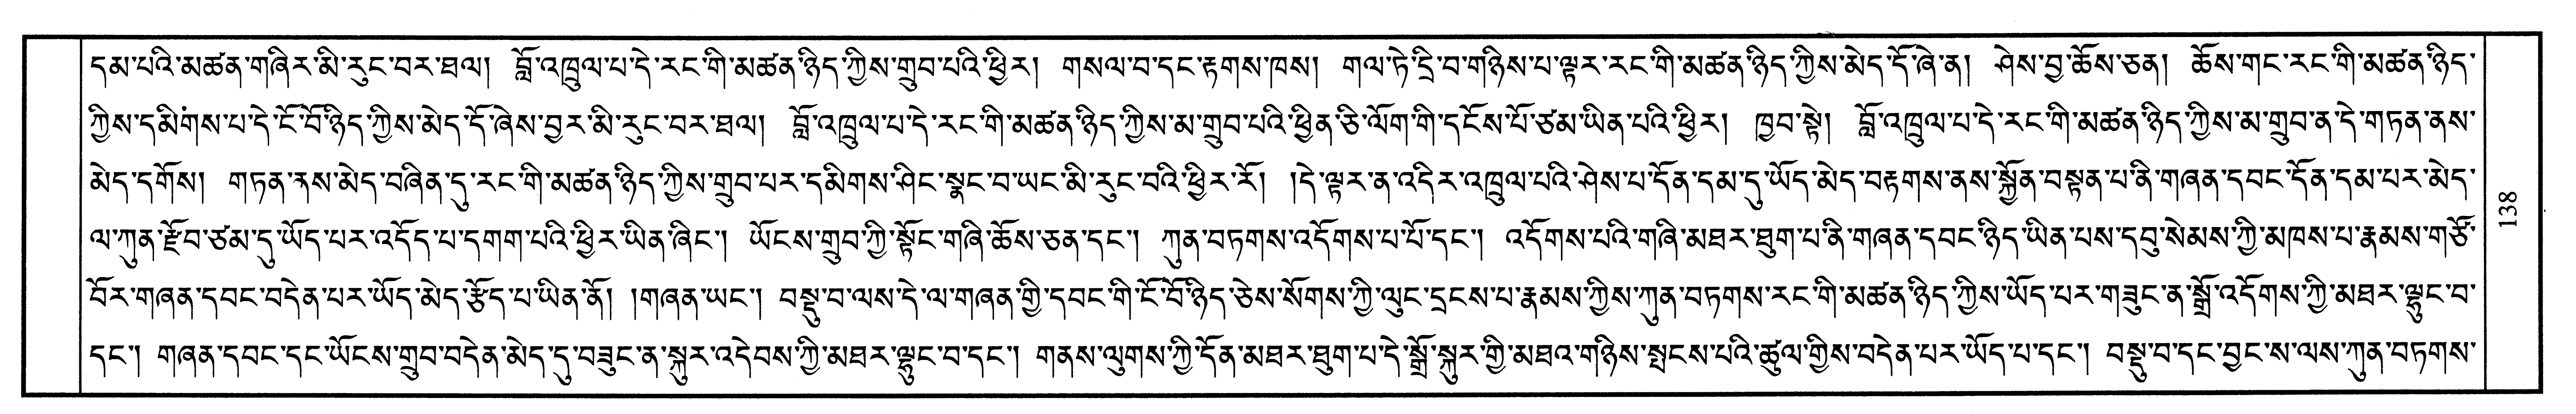དམ་པའི་མཚན་གཞིར་མི་རུང་བར་ཐལ། བློ་འཁྲུལ་པ་དེ་རང་གི་མཚན་ཉིད་ཀྱིས་གྲུབ་པའི་ཕྱིར། གསལ་བ་དང་རྟགས་ཁས། གལ་ཏེ་དྲི་བ་གཉིས་པ་ལྟར་རང་གི་མཚན་ཉིད་ཀྱིས་མེད་དོ་ཞེ་ན། ཤེས་བྱ་ཆོས་ཅན། ཆོས་གང་རང་གི་མཚན་ཉིད་
ཀྱིས་དམིགས་པ་དེ་ངོ་བོ་ཉིད་ཀྱིས་མེད་དོ་ཞེས་བྱར་མི་རུང་བར་ཐལ། བློ་འཁྲུལ་པ་དེ་རང་གི་མཚན་ཉིད་ཀྱིས་མ་གྲུབ་པའི་ཕྱིན་ཅི་ལོག་གི་དངོས་པོ་ཙམ་ཡིན་པའི་ཕྱིར། ཁྱབ་སྟེ། བློ་འཁྲུལ་པ་དེ་རང་གི་མཚན་ཉིད་ཀྱིས་མ་གྲུབ་ན་དེ་གཏན་ནས་
མེད་དགོས། གཏན་ནས་མེད་བཞིན་དུ་རང་གི་མཚན་ཉིད་ཀྱིས་གྲུབ་པར་དམིགས་ཤིང་སྣང་བ་ཡང་མི་རུང་བའི་ཕྱིར་རོ། །དེ་ལྟར་ན་འདིར་འཁྲུལ་པའི་ཤེས་པ་དོན་དམ་དུ་ཡོད་མེད་བརྟགས་ནས་ཀྱོན་བསྟན་པ་ནི་གཞན་དབང་དོན་དམ་པར་མེད་
ལ་ཀུན་རྫོབ་ཙམ་དུ་ཡོད་པར་འདོད་པ་དགག་པའི་ཕྱིར་ཡིན་ཞིང་། ཡོངས་གྲུབ་ཀྱི་སྟོང་གཞི་ཆོས་ཅན་དང་། ཀུན་བཏགས་འདོགས་པ་པོ་དང་། འདོགས་པའི་གཞི་མཐར་ཐུག་པ་ནི་གཞན་དབང་ཉིད་ཡིན་པས་དབུ་སེམས་ཀྱི་མཁས་པ་རྣམས་གཙོ་
བོར་གཞན་དབང་བདེན་པར་ཡོད་མེད་རྩོད་པ་ཡིན་ནོ། །གཞན་ཡང་། བསྡུ་བ་ལས་དེ་ལ་གཞན་གྱི་དབང་གི་ངོ་བོ་ཉིད་ཅེས་སོགས་ཀྱི་ལུང་དྲངས་པ་རྣམས་ཀྱིས་ཀུན་བཏགས་རང་གི་མཚན་ཉིད་ཀྱིས་ཡོད་པར་གཟུང་ན་སྒྲོ་འདོགས་ཀྱི་མཐར་ལྷུང་བ་
དང་། གཞན་དབང་དང་ཡོངས་གྲུབ་བདེན་མེད་དུ་བཟུང་ན་སྐུར་འདེབས་ཀྱི་མཐར་ལྷུང་བ་དང་། གནས་ལུགས་ཀྱི་དོན་མཐར་ཐུག་པ་དེ་སྒྲོ་སྐུར་གྱི་མཐའ་གཉིས་སྤངས་པའི་ཚུལ་གྱིས་བདེན་པར་ཡོད་པ་དང་། བསྡུ་བ་དང་བྱང་ས་ལས་ཀུན་བཏགས་